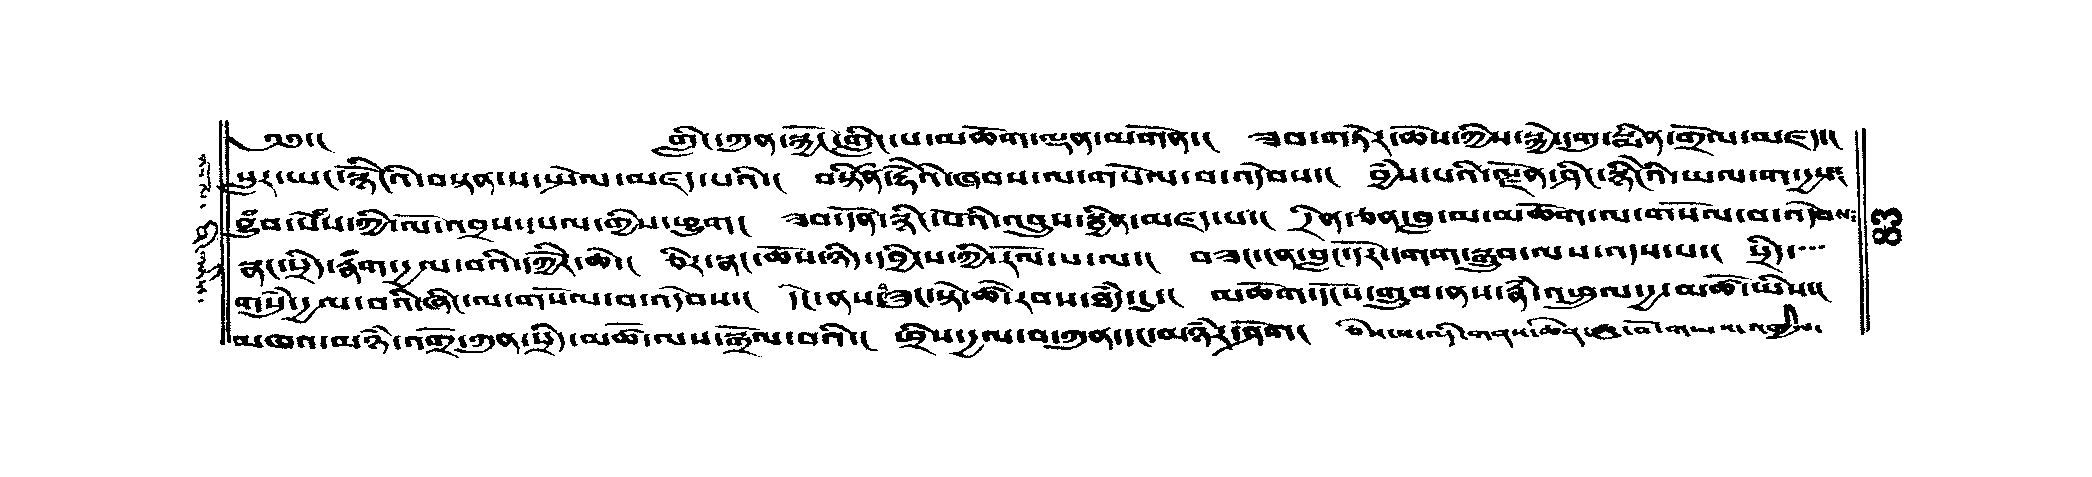གླིང་ཀུན་སྐྱོང་གླིང་པ་མཆོག་ལྡན་མགོན། །ཟབ་གཏེར་ཆོས་ཀྱིས་སྐྱེ་དགུ་སྨིན་གྲོལ་མཛད། །
སླར་ཡང་སྙིང་པོའི་བསྟན་པ་སྤེལ་མཛད་པ། །བསྟན་འཛིན་རྡོ་རྗེའི་ཞབས་ལ་གསོལ་བ་འདེབས། །བྱམས་པའི་ལྗོན་ཤིང་སྙིང་རྗེའི་ཡལ་ག་རྒྱས། །
བྱང་ཆུབ་སེམས་ཀྱི་ལོ་འབྲས་དཔལ་གྱིས་ཕྱུག །ཟབ་དོན་སྙིང་པོའི་འབྲས་བུ་སྦྱིན་མཛད་པ། །དྲིན་ཅན་བླ་མ་མཆོག་ལ་གསོལ་བ་འདེབས། །
སྣང་སྲིད་རྣམ་དག་རྒྱལ་བའི་དཀྱིལ་འཁོར་ཆེ། །ཅིར་སྣང་ཆོས་ཉིད་དབྱིངས་ཀྱི་རོལ་པ་ལ། །བཟང་ངན་བླང་དོར་དགག་སྒྲུབ་ལས་འདས་པ། །སྲིད་
གསུམ་རྒྱལ་བའི་ཞིང་ལ་གསོལ་བ་འདེབས། །དེང་ནས་བཟུང་སྟེ་ཚེ་རབས་ཐམས་ཅད་དུ། །མཆོག་དངོས་གྲུབ་ནས་རྣམ་འཕྲུལ་རྒྱ་མཚོ་ཡིས། །
མཁའ་མཉམ་འགྲོ་ཀུན་སྲིད་མཚོ་ལས་སྒྲོལ་བའི། །ཕྲིན་ལས་རྒྱལ་བ་ཀུན་དང་མཉམ་པར་ཤོག ཅེས་པ་འདི་གནས་ཆེན་ཆུ་བོ་གཡས་འཁྱིལ་